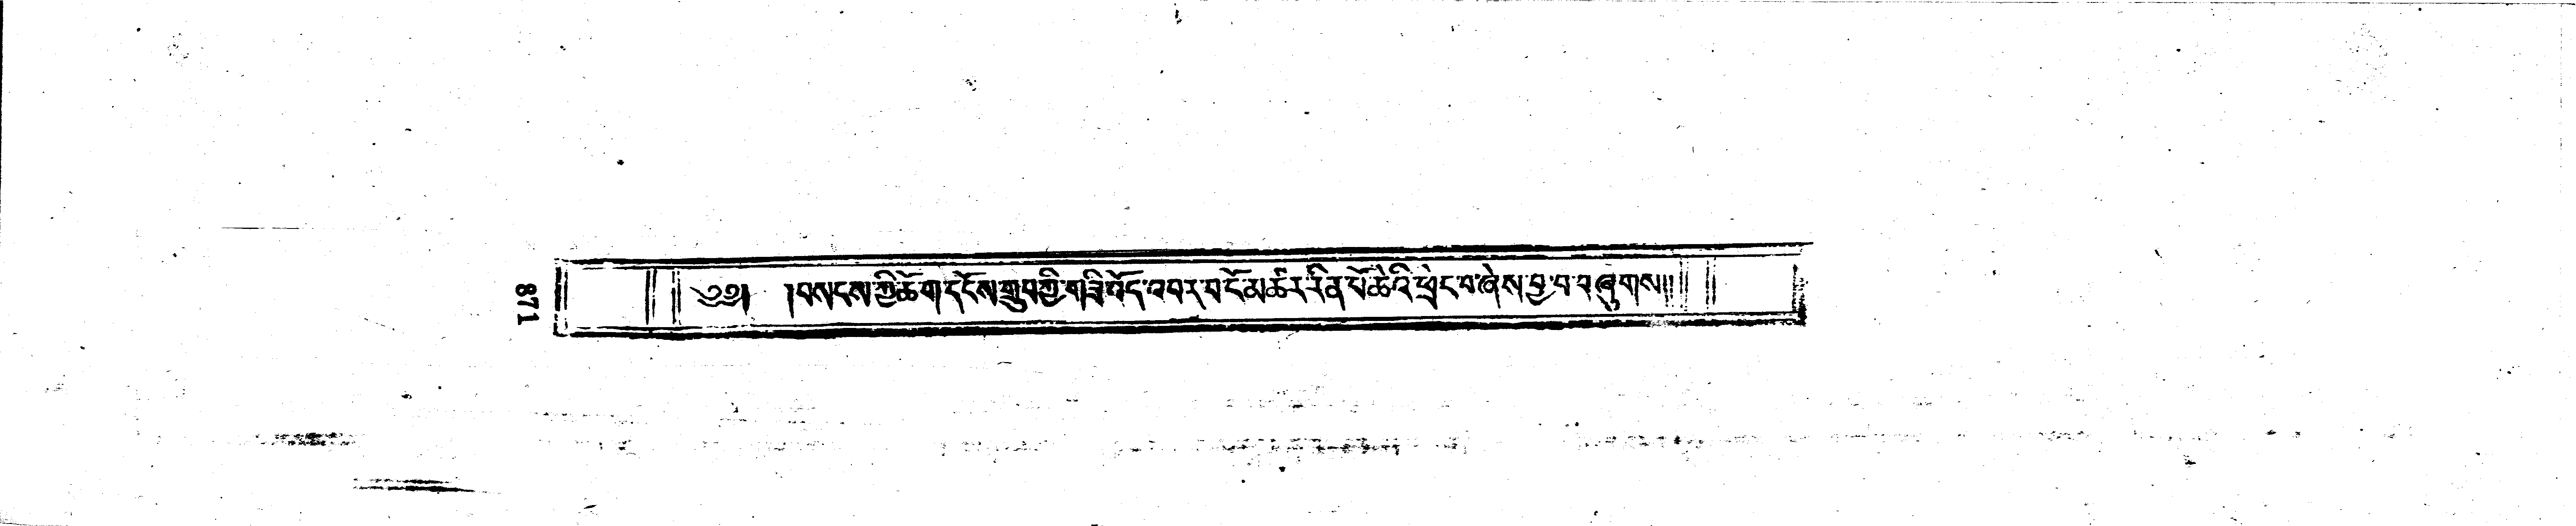༄༅། །བསངས་ཀྱི་ཆོ་ག་དངོས་གྲུབ་ཀྱི་གཟི་འོད་འབར་བ་ངོ་མཚར་རིན་པོ་ཆེའི་ཕྲེང་བ་ཞེས་བྱ་བ་བཞུགས།།